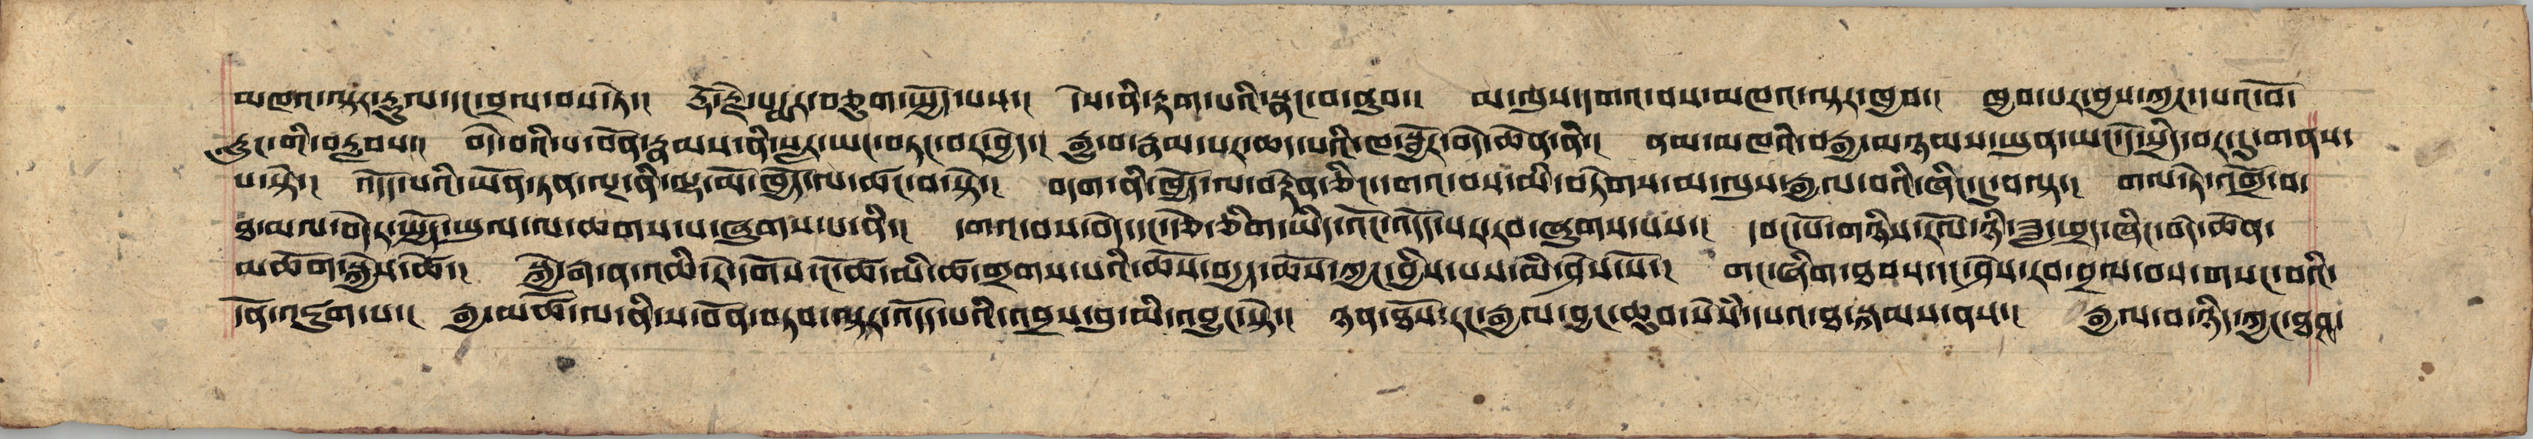མཁའ་ལྟར་རྡུལ་དང་བྲལ་བས་ཏེ་། རྡོ་རྗེ་པདྨར་བཅུག་སྤྱོད་པས་། དེས་ནི་རྟག་པའི་སྣང་བ་ནུབ་། མ་ལུས་དགའ་བས་མཁའ་ལྟར་ཁྱབ་། ཁྱབ་པར་བྱས་ཀྱང་དཔའ་བོ་
རླུང་གི་བརླབས་། བདེ་བའི་ས་བོན་རྣམས་ནི་སླར་ཡང་བཏང་བར་བྱེད་། རྒྱུ་བ་རྣམ་པར་ཆད་པའི་ཁ་སྦྱོར་བདེ་ཆེན་ནི་། ནམ་མཁའི་བརྒྱ་མཉམས་ཡུན་ཡང་དེ་སྲིད་བར་དུ་གནས་
པ་སྟེ་། འདོད་པའི་ཡོན་ཏན་ལྔ་ནི་ལྷ་མོ་ཁྱོད་ལ་ཚང་བ་སྟེ་། བདག་ནི་ཁྱོད་ལ་བརྟེན་ཅིང་དགའ་བས་མི་བཏེགས་མ་ལུས་རྒྱལ་བའི་ཞིང་དུ་བལྟ་། གལ་ཏེ་འགྲོ་བ་
ཐ་མལ་བདེར་སྤྱོད་ཡུལ་ལ་ཆགས་པ་ཞུགས་པ་ནི་། དགའ་བས་བདེ་དང་རྩེ་ཅིག་ཡིད་འོང་འདོད་པར་རབ་ཞུགས་པས་། དབང་པོ་གཉིས་རོལ་ཉི་ཟླ་ཕྲད་ཞིང་བདེ་ཆེན་
མཆོག་སྐྱེས་ཚེ་། སྐྱེ་རྒ་ན་འཆི་རེ་དོགས་ངོ་ཚ་མི་ཚ་གྲགས་པའི་ཆོས་བདྱད་ཆོས་ཀྱང་བྱིས་པས་མི་ཤེས་སོ་། གང་ཞིག་ཐབས་དང་ཤེས་རབ་བྲལ་བས་གསང་བའི་
དོན་འཇུག་པ་། རྒྱ་མཚོ་ལ་ནི་ས་བོན་བཏབ་ལྟར་འདོད་པའི་འབྲས་བུ་མི་འབྱུང་སྟེ་། ཉན་ཐོས་རང་རྒྱལ་བྱང་ཆུབ་སེཾས་དཔའ་ཐ་སྐམས་ནས་། རྒྱལ་བ་ཉིད་ཀྱང་ཐབས་